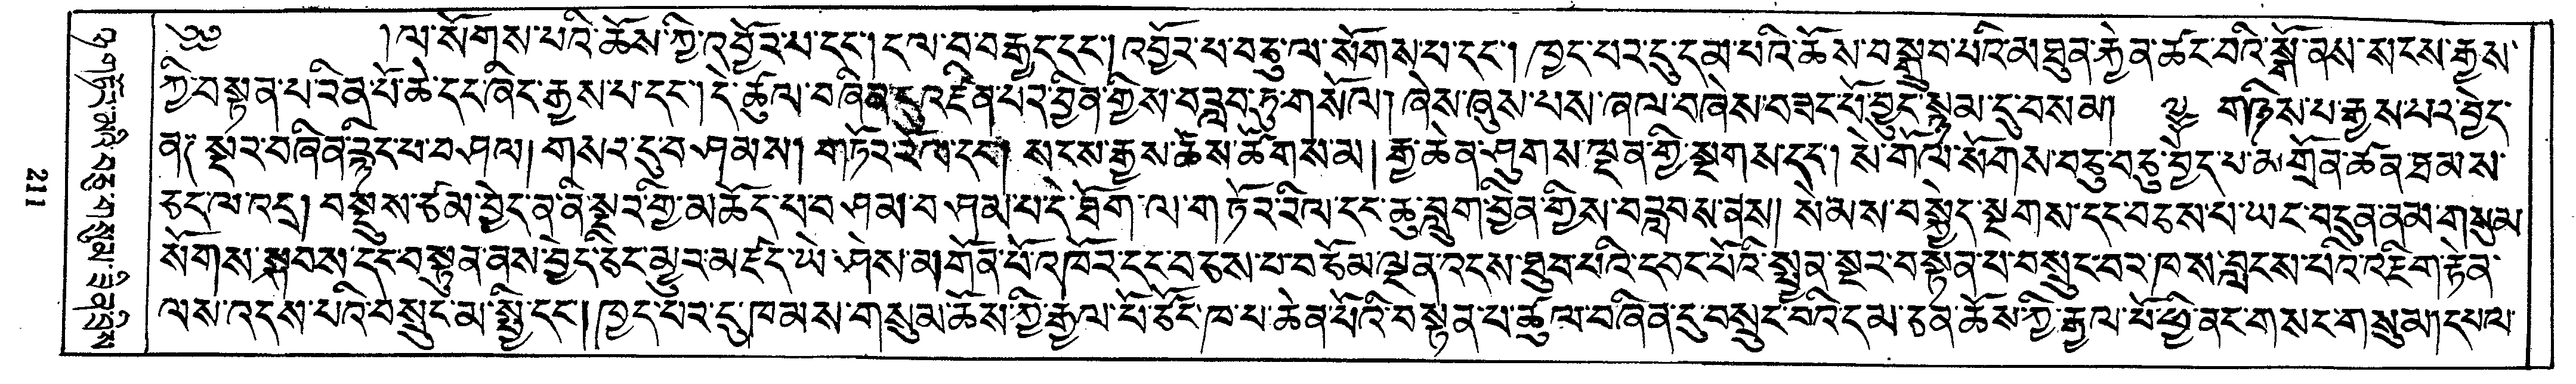༄༅། །ལ་སོགས་པའི་ཆོས་ཀྱི་འབྱོར་པ་དང་། དལ་བ་བརྒྱད་དང་། འབྱོར་པ་བཅུ་ལ་སོགས་པ་དང་། ཁྱད་བར་དུ་དམ་པའི་ཆོས་བསྒྲུབས་པའི་མཐུན་རྐྱེན་ཚང་བའི་སྒོ་ནས་སངས་རྒྱས་
ཀྱི་བསྟན་པ་རིན་པོ་ཆེ་དར་ཞིང་རྒྱས་པ་དང་། དེ་ཚུལ་བཞིན་དུ་འཛིན་པར་བྱིན་གྱིས་བརླབ་ཏུ་གསོལ། ཞེས་ཞུས་པས་ཞལ་བཞེས་བཟང་པོ་བྱུང་སྙམ་དུ་བསམ། ༈ གཉིས་པ་རྒྱས་པར་བྱེད་
ན༑ སྔར་བཞིན་རྙིང་པ་བཤལ། གསར་དུ་བཤམས། གཏོར་རོལ་དང་། སངས་རྒྱས་ཆོས་ཚོགས་མ། རྒྱ་ཆེན་ཤུགས་ལྡན་གྱི་སྔགས་དང་། སོ་གོལ་སོགས་བཅུ་བཅུ་བྱེད་པ་མགྲོན་ཚན་ཐམས་
ཅད་ལ་འདྲ། བསྡུས་ཙམ་བྱེད་ན་ནི་སྔར་གྱི་མཆོད་པ་བཤམ་བཤམ་པ་དེ་ཐོག་ལ་གཏོར་རིལ་དང་ཆུ་བླུག་བྱིན་གྱིས་བརླབས་ནས། སེམས་བསྐྱེད་སྔགས་དང་བཅས་པ་ཡང་བདུན་ནམ་གསུམ་
སོགས་སྐབས་དང་བསྟུན་ནས་བྱེད་ཅིང་མྱུར་མཛད་ཡེ་ཤེས་མགོན་པོ་འཁོར་དང་བཅས་པ་བཅོམ་ལྡན་འདས་ཐུབ་པའི་དབང་བོའི་སྤྱན་སྔར་བསྟན་པ་བསྲུང་བར་ཁས་བླངས་པའི་འཇིག་རྟེན་
ལས་འདས་པའི་བསྲུང་མ་སྤྱི་དང་། ཁྱད་པར་དུ་ཁམས་གསུམ་ཆོས་ཀྱི་རྒྱལ་པོ་ཙོང་ཁ་པ་ཆེན་པོའི་བསྟན་པ་ཚུལ་བཞིན་དུ་བསྲུང་བའི་དམ་ཅན་ཆོས་ཀྱི་རྒྱལ་པོ་ཕྱི་ནང་གསང་གསུམ། དཔལ་